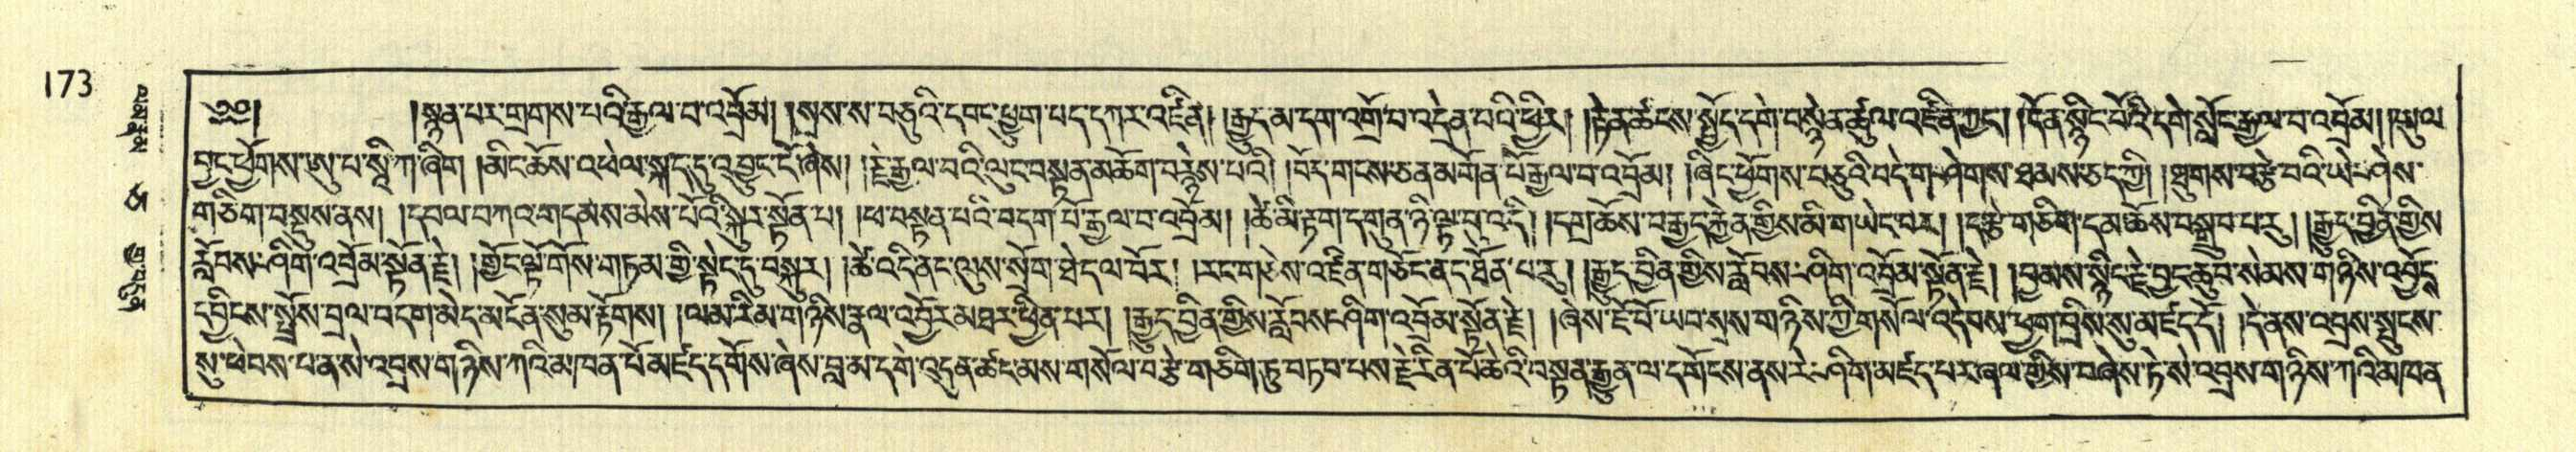༄༅། །སྙན་པར་གྲགས་པའི་རྒྱལ་བ་འབྲོམ། །སྲས་ས་བཅུའི་དབང་ཕྱུག་པད་དཀར་འཛིན། །རྒྱུད་མ་དག་འགྲོ་བ་འདྲེན་པའི་ཕྱིར། །རྟེན་ཚངས་སྤྱོད་དགེ་བསྙེན་ཚུལ་འཛིན་ཀྱང་། །དོན་སྙིང་བོའི་དགེ་སློང་རྒྱལ་བ་འབྲོམ། །ཡུལ་
བྱང་ཕྱོགས་ཨུ་པ་སཱི་ཀ་ཞིག །མིང་ཆོས་འཕེལ་སྐད་དུ་འབྱུང་ངོ་ཞེས། །རྗེ་རྒྱལ་བའི་ལུང་བསྟན་མཆོག་བརྙེས་པའི། །བོད་གངས་ཅན་མགོན་པོ་རྒྱལ་བ་འབྲོམ། །ཞིང་ཕྱོགས་བཅུའི་བདེ་གཤེགས་ཐམས་ཅད་ཀྱི། །ཐུགས་བརྩེ་བའི་ཡེ་ཤེས་
གཅིག་བསྡུས་ནས། །དཔལ་བཀའ་གདམས་མེས་པོའི་སྐུར་སྟོན་པ། །ཕ་བསྟན་པའི་བདག་པོ་རྒྱལ་བ་འབྲོམ། །ཚེ་མི་རྟག་དགུན་ཉི་ལྟ་བུ་འདི། །དགྲ་ཆོས་བརྒྱད་རྐྱེན་གྱིས་མི་གཡེང་བར། །ད་རྩེ་གཅིག་དམ་ཆོས་བསྒྲུབ་པ་རུ། །རྒྱུད་བྱིན་གྱིས་
རློབས་ཤིག་འབྲོམ་སྟོན་རྗེ། །གྱོང་ལྟོ་གོས་གཏམ་གྱི་སྟེང་དུ་བསྐུར། །ཚེ་འདི་ནང་ལུས་སྲོག་ཐེད་ལ་བོར། །རང་གཅེས་འཛིན་གཅོང་ནད་ཐོན་པ་རུ། །རྒྱུད་བྱིན་གྱིས་རློབས་ཤིག་འབྲོམ་སྟོན་རྗེ། །བྱམས་སྙིང་རྗེ་བྱང་ཆུབ་སེམས་གཉིས་འབྱོངས་
དབྱིངས་སྤྲོས་བྲལ་བདག་མེད་མངོན་སུམ་རྟོགས། །ལམ་རིམ་གཉིས་རྣལ་འབྱོར་མཐར་ཕྱིན་པར། །རྒྱུད་བྱིན་གྱིས་རློབས་ཤིག་འབྲོམ་སྟོན་རྗེ། །ཞེས་ཇོ་བོ་ཡབ་སྲས་གཉིས་ཀྱི་གསོལ་འདེབས་ཕྱག་བྲིས་སུ་མཛད་དོ། །དེ་ནས་འབྲས་སྤུངས་
སུ་ཕེབས་པ་ན་སེ་འབྲས་གཉིས་ཀའི་མཁན་པོ་མཛད་དགོས་ཞེས་བླ་མ་དགེ་འདུན་ཚང་མས་གསོལ་བ་རྩེ་གཅིག་ཏུ་བཏབ་པ་རྗེ་རིན་པོ་ཆེའི་བསྟན་རྒྱུན་ལ་དགོངས་ནས་རེ་ཤིག་མཛད་པར་ཞལ་གྱིས་བཞེས་ཏེ་སེ་འབྲས་གཉིས་ཀའི་མཁན་